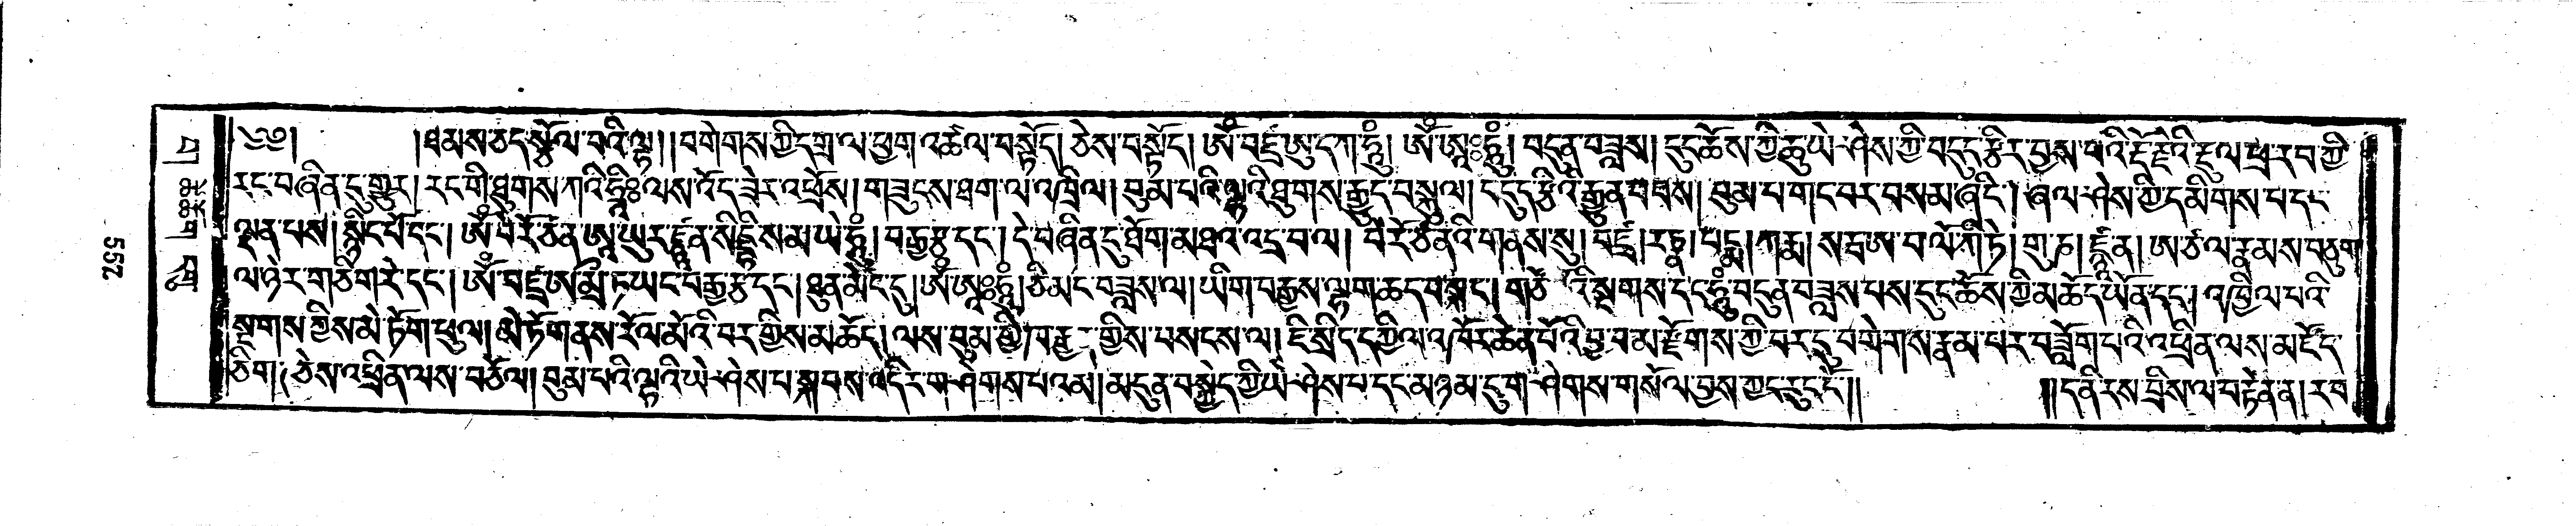༄༅། །ཐམས་ཅད་སྩོལ་བའི་ལྷ། །བགེགས་ཀྱི་དགྲ་ལ་ཕྱག་འཚལ་བསྟོད། ཅེས་བསྟོད། ཨོཾ་བཛྲ་ཨུ་ད་ཀ་ཧཱུཾ། ཨོཾ་ཨཱཿ ཧཱུཾ། བདུན་བཟླས། དུང་ཆོས་ཀྱི་ཆུ་ཡེ་ཤེས་ཀྱི་བདུད་རྩིར་བྱས་པའི་རྡོ་རྗེའི་རྡུལ་ཕྲ་རབ་ཀྱི་
རང་བཞིན་དུ་གྱུར། རང་གི་ཐུགས་ཀའི་ཧྲཱིཿ ལས་འོད་ཟེར་འཕྲོས། གཟུངས་ཐག་ལ་འཁྲིལ། བུམ་པའི་ལྷའི་ཐུགས་རྒྱུད་བསྐུལ། བདུད་རྩིའི་རྒྱུན་ཕབས། བུམ་པ་གང་བར་བསམ་ཞིང་། ཞལ་ཤེས་ཀྱི་དམིགས་པ་དང་
ལྡན་པས། སྙིང་པོ་དང་། ཨོཾ་བཻ་རོ་ཙ་ན་ཨཱ་ཡུར་ཛྙཱ་ན་སིདྡྷི་ས་མ་ཡེ་ཧཱུཾ། བརྒྱ་རྩ་དང་། དེ་བཞིན་དུ་ཐོག་མཐའ་འདྲ་བ་ལ། བཻ་རོ་ཙ་ནའི་གནས་སུ། བཛྲ། རཏྣ། པདམ། ཀརྨ། སརྦ་ཨ་བ་ལོ་ཀི་ཏེ། གུ་ཎ། ཛྙཱ་ན། ཨ་ཙ་ལ་རྣམས་བཅུག་
ལ་ཉེར་གཅིག་རེ་དང་། ཨོཾ་བཛྲ་ཨ་མྲྀ་ཏ་ཡང་བརྒྱ་རྩ་དང་། ཐུན་མོང་དུ། ཨོཾ་ཨཱཿ ཧཱུཾ། ཅི་མང་བཟླས་ལ། ཡིག་བརྒྱས་ལྷག་ཆད་བསྐང་། གཙོ་བོའི་སྡིགས་དང་ཧཱུཾ་བདུན་བཟླས་པས་དུང་ཆོས་ཀྱི་མཆོད་ཡོན་དང་། འཁྱིལ་བའི་
སྔགས་ཀྱིས་མེ་ཏོག་ཕུལ། མེ་ཏོག་ནས་རོལ་མོའི་བར་གྱིས་མཆོད། ལས་བུམ་གྱི་ཁ་རྒྱན་གྱིས་བསངས་ལ། ཇི་སྲིད་དཀྱིལ་འཁོར་ཆེན་པོའི་བྱ་བ་མ་རྫོགས་ཀྱི་བར་དུ་བགེགས་རྣམ་པར་བཟློག་པའི་འཕྲིན་ལས་མཛོད་
ཅིག །ཅེས་འཕྲིན་ལས་བཅོལ། བུམ་པའི་ལྷའི་ཡེ་ཤེས་པ་སྐབས་འདིར་གཤེགས་པའམ། མདུན་བསྐྱེད་ཀྱི་ཡེ་ཤེས་པ་དང་མཉམ་དུ་གཤེགས་གསོལ་བྱས་ཀྱང་རུང་ངོ།། །།དེ་ནི་རས་བྲིས་ལ་བརྟེན་ན། རབ་